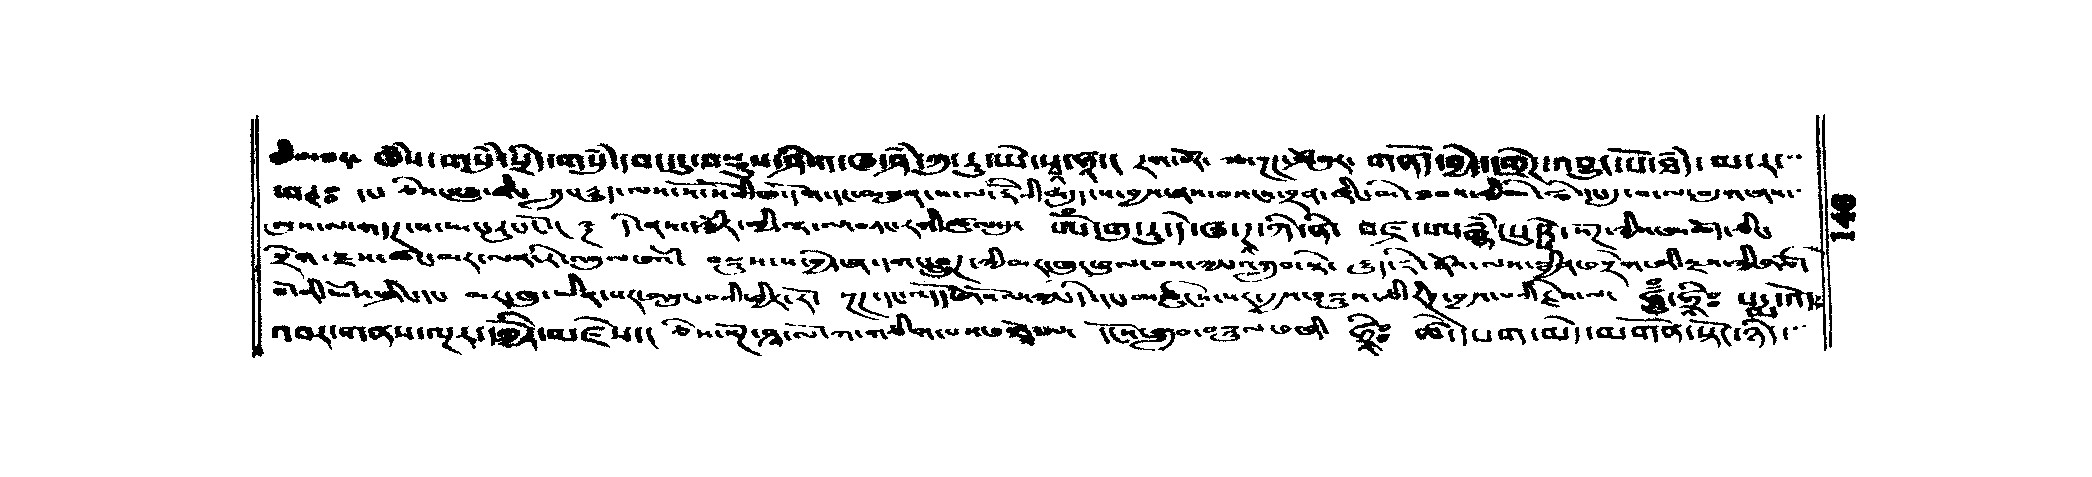ཀྱི་མཐར། ཁམསགསུམ་སྲིད་གསུམ་དབང་དུ་བསྡུས་ཤིག་ཝ་ཤམ་ཀུ་རུ་ཡེ་སྭཱ་ཧཱ། དྲག་པོར། རྩ་སྔགས་ཤམ་བུར། གནོད་བྱེད་དགྲ་བགེགས་འབྱུང་པོ་མཱ་ར་ཡ་
ཕཊཿ དང་། ཞེས་བཟླ་ཞིང་། སྲུང་རྒྱུད་ལས་སོ་སོའི་ཁ་དོག་དང་མཐུན་པར་རྡོ་རྗེའི་མདུད་པ་བྱས་ནས་བསངས་བྲན་ཞིང་མེ་ཐབས་ཀྱི་མེ་ལྕེ་དང་དུ་བ་ལ་བདུག་ནས་
ལུས་ལ་གདགས་པ་ཡང་རུང་ངོ་། ༈ དེ་ནས་དཀྱིལ་འཁོར་གྱི་ལྷ་ལ་བཏང་རག་གི་ཚུལ་དུ། ཨོྃ་གུ་རུ་དེ་ཝ་ཌཱ་ཀི་ནི། བཛྲ་ཨརྒྷཾ་པུཥྤེ་སོགས་ཀྱིས་མཆོད་ཅིང་། 
སྲེག་རྫས་ཚང་མར་ལན་རེ་འབུལ་བའམ། བསྡུས་པ་བྱེད་ན་དགང་བླུགས་ཀྱི་མར་ཁུ་ཕུལ་བས་ཀྱང་འགྲུབ་སྟེ། རྒྱུད་སྡེ་རྣམས་ལས་སྦྱིན་སྲེག་གི་རྫས་ཀྱི་གཙོ་
བོ་ནི་ཡམ་ཤིང་དང་། མར་ཁུ་ཡིན་པར་གསུང་པའི་ཕྱིར་རོ། སྔགས་དང་དགོས་གསོལ་ཀྱང་དེ་དང་མཚུངས་པར་རྒྱས་བསྡུས་ཅི་རིགས་བྱས་པའི་རྗེས་ལ། ཧཱུྃ་ཧྲཱིཿ པདྨ་འོད་
འབར་གནས་ལྔར་དཀྱིལ་འཁོར་མཛེས། ། ཅེས་སོགས་ཤྭ་ལོ་ཀ་གཅིག་པས་བསྟོད་ལ། དངོས་གྲུབ་བསྐུལ་བ་ནི། ཧྲཱིཿ ཚེ་དཔག་མེད་མགོན་སྟོང་ཉིད་